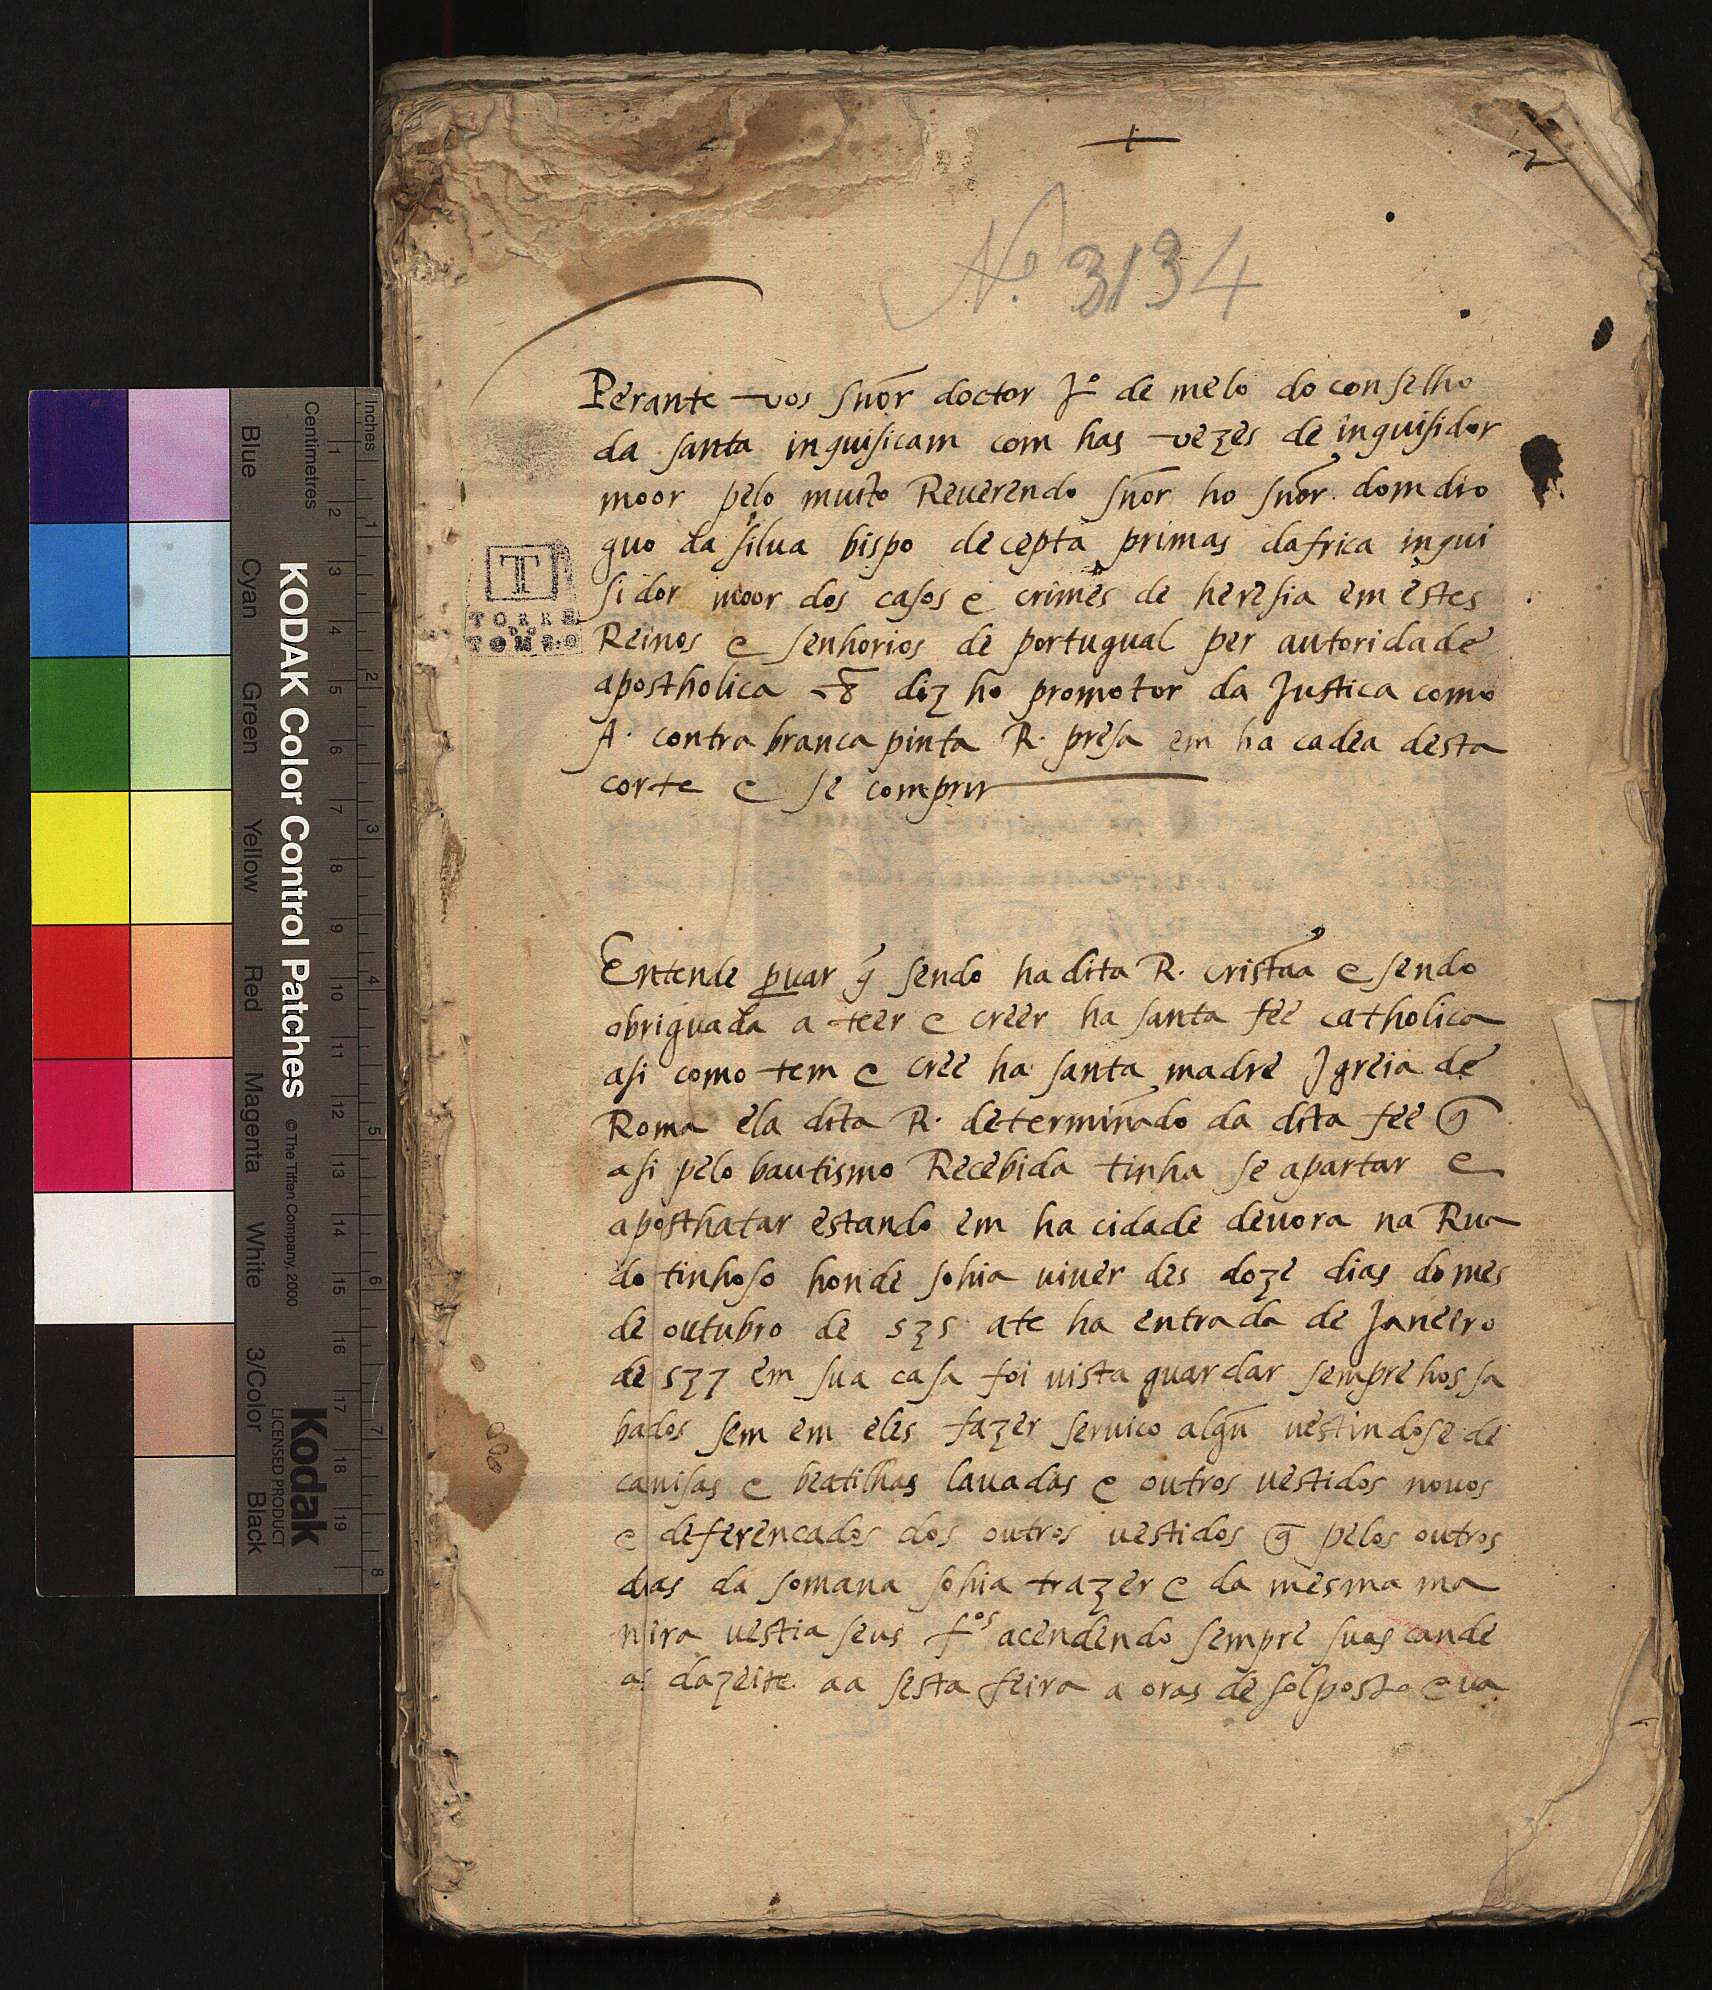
Perante vos sno̅r doctor Jo de melo do conselho
da santa inquisicam com has vezes de inquisidor
moor pelo muito Reuerendo sno̅r ho sno̅r dom dio
guo da silua bispo de cepta primas dafrica inqui
sidor moor dos casos e crimes de heresia em estes
Reinos e senhorios de portugual per autoridade
apostholica et̅ diz ho promotor da Justica como
A. contra branca pinta R. presa em ha cadea desta
corte e se comprir
Entende ꝓuar q̅ sendo ha dita R. cristãa e sendo
obriguada a teer e creer ha santa fee catholica
asi como tem e cree ha santa madre Jgreia de
Roma ela dita R. determin̄ado da dita fee q̅
asi pelo bautismo Recebida tinha se apartar e
aposthatar estando em ha cidade deuora na Rua
do tinhoso honde so hia uiuer des doze dias do mes
de outubro de 535 ate ha entrada de Janeiro
de 537 em sua casa foi uista guardar sempre hos sa
bados sem em eles fazer seruico algu̅ uestindose de
ca_isas e bratilhas lauadas e outros uestidos nouos
e deferencados dos outros uestidos q̅ pelos outros
dias da somana so hia trazer e da mesma ma
n_ira uestia seus fos acendendo sempre suas cande
as dazeite aa sesta feira a oras de sol posto e ua
